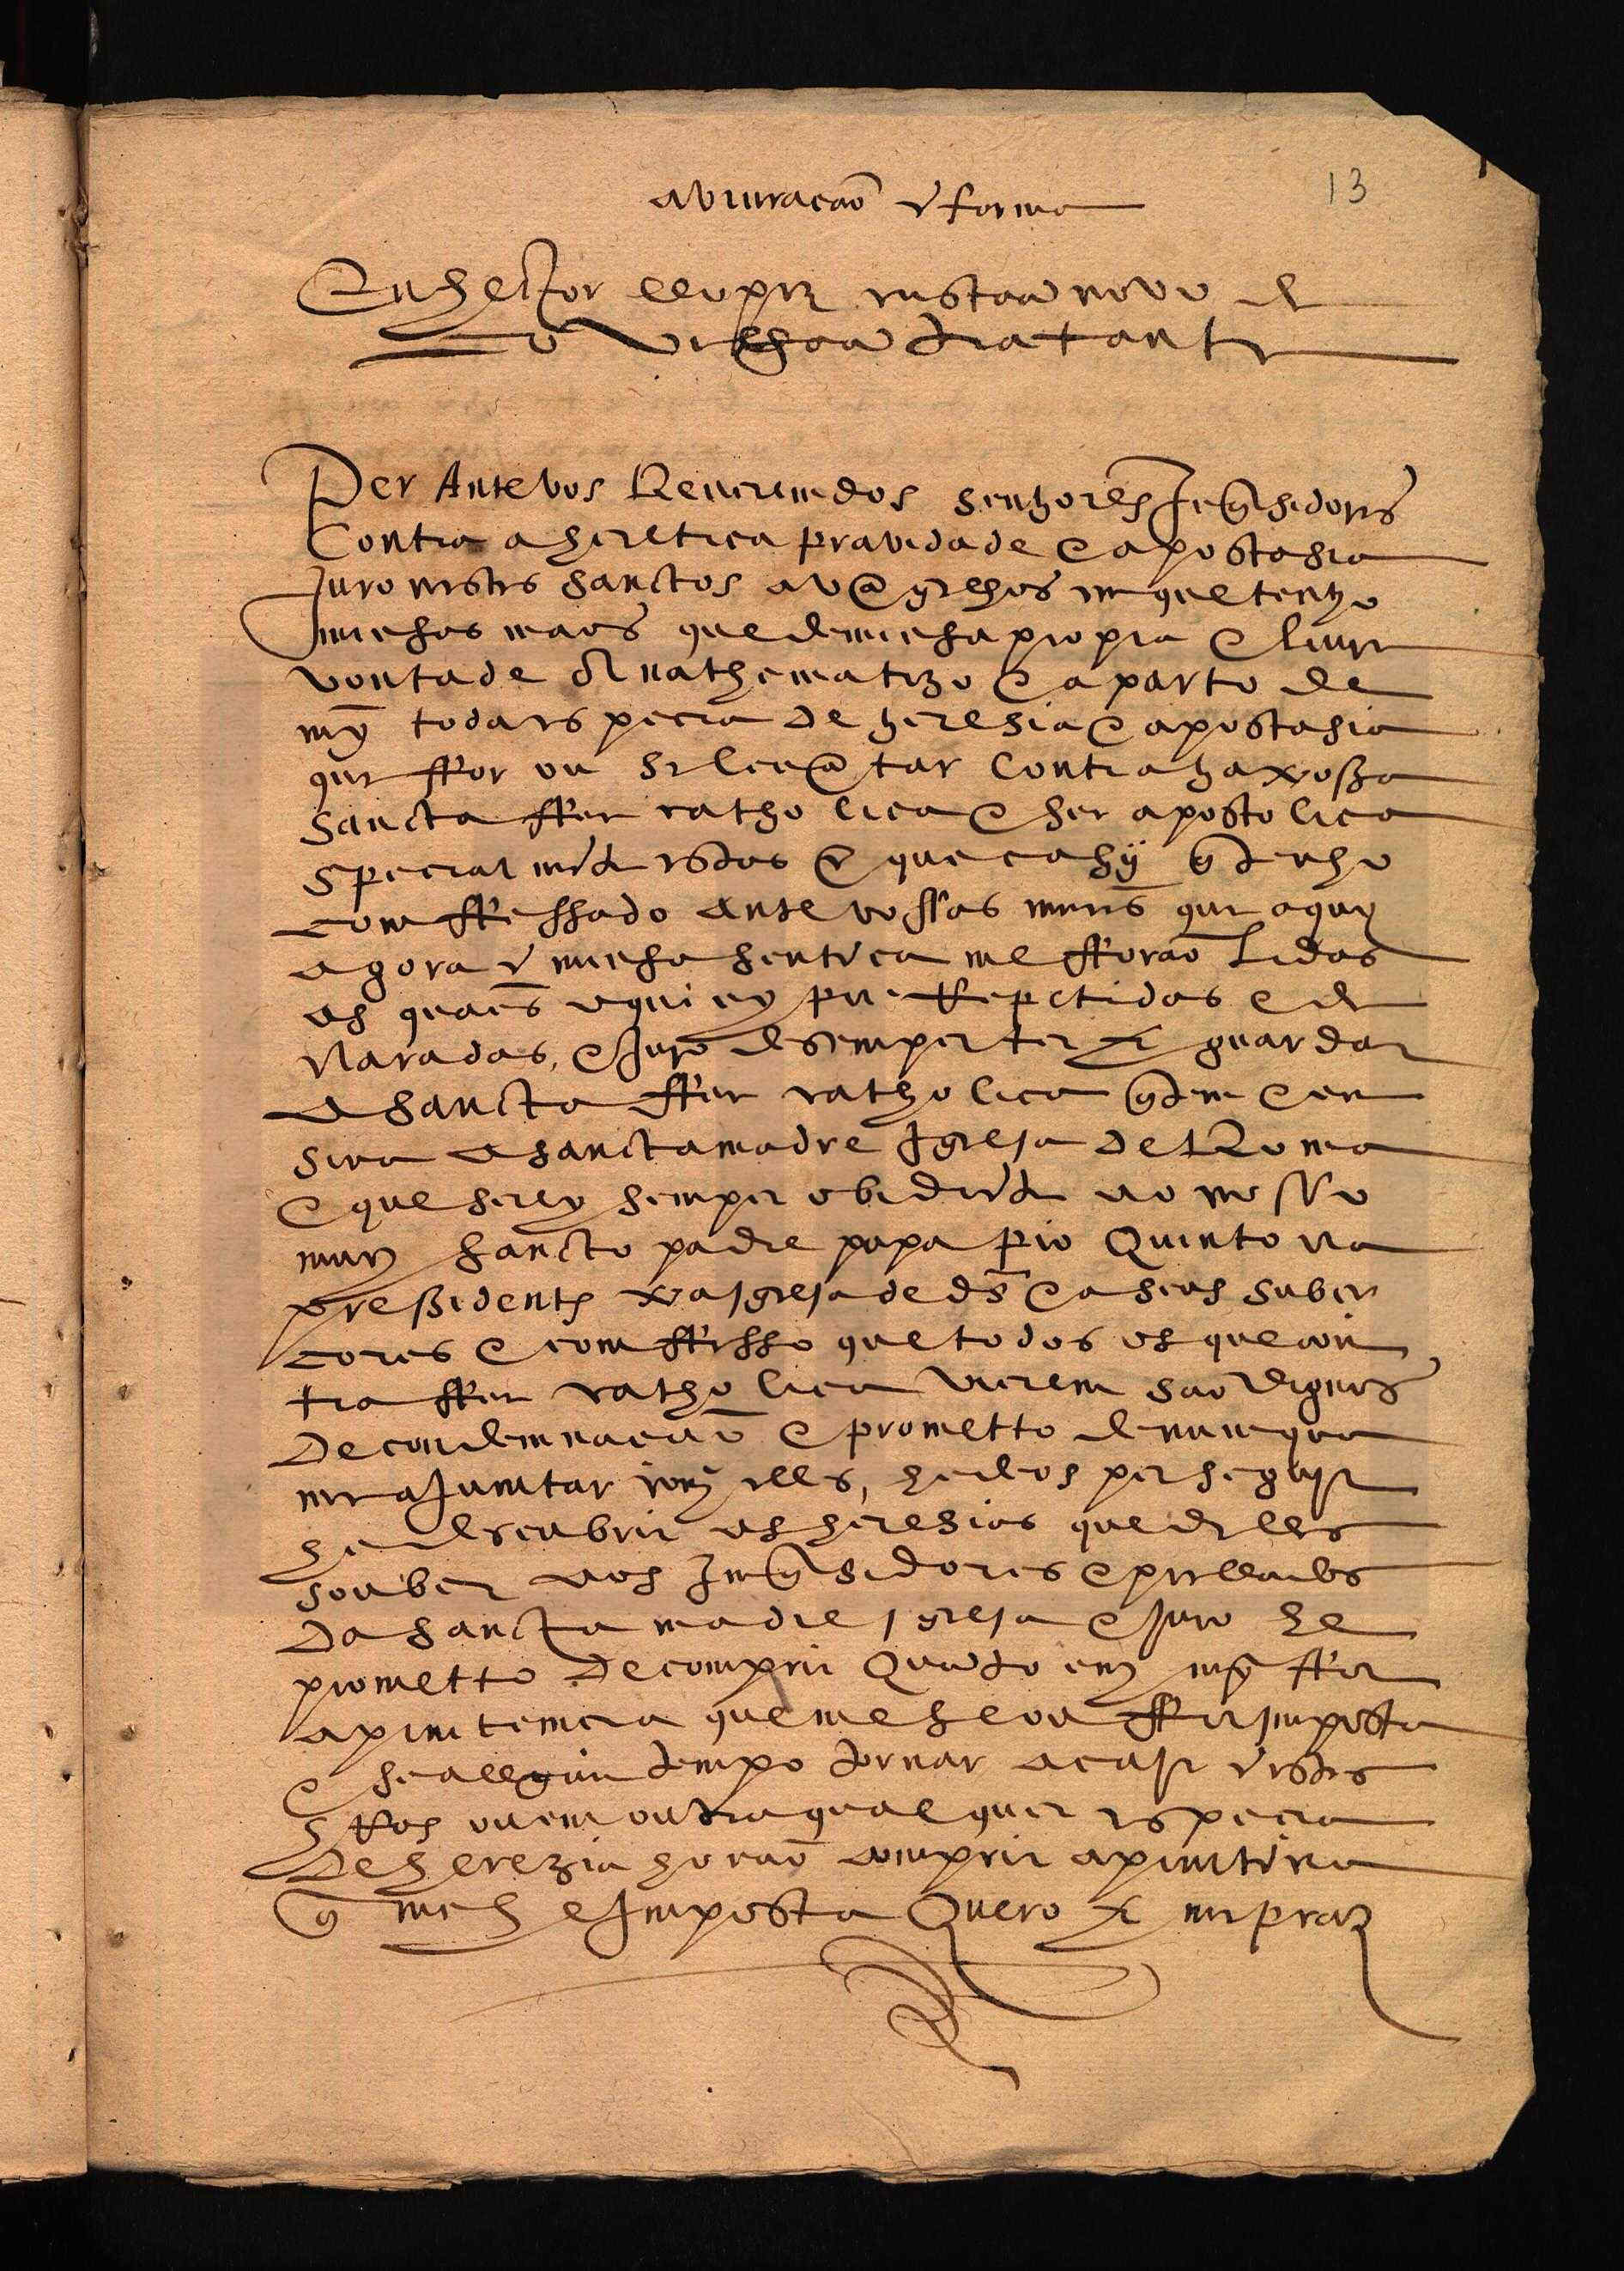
abiuraçaõ ē forma
Eu heitor llopez cristaā novo de
CoVilhaā tratante
PerAnte vos Reueremdos senhores Jnqisidores
Contra a heretica pravidade e apostasia
Juro nestes sanctos avāgelhos em que tenho
minhas maos que de minha propia e liure
vontade Anathematizo e aparto de
mȳ toda especia de heresia e apostasia
que ffor ou se leuātar contra ha nossa
Sancta fee catholica e see apostolica
specialmēte estas ē que cahy q̄ tenho
comffessado ante vossas merces̄ que aquy
agora ē minha sentēça me fforaõ Lidas
as quaēs aqui ey por Repetidas e de
claradas, e Juro de semper ter e guardar
a sancta fee catholica q̄ tem e en
sina a sancta madre Jgreja de Roma
e que serey semper obediēte ao nosso
muy sancto padre papa pio Quinto ora
pressidentꝭ Na jgreja de ds̄ e a seus subce
çores e comfesso que todos os que con
tra fee catholica vierem saõ dignos
De condemnaçaõ e prometto de numqua
me aJuntar com elles, he de os persegujr
he descubrir as heresias que delles
souber aos Jmq̄sidores e prellados
Da sancta madre jgreja e juro he
prometto De comprir Quāto em mȳ ffor
a pinitemcia que me he ou ffor jmposta
e se allgum tempo tornar a cajr ē estes
ERos ou em outra qualquer especia
De herezia he naõ comprir a pinitēcia
q̄ me he Jmposta Quero e me praz
